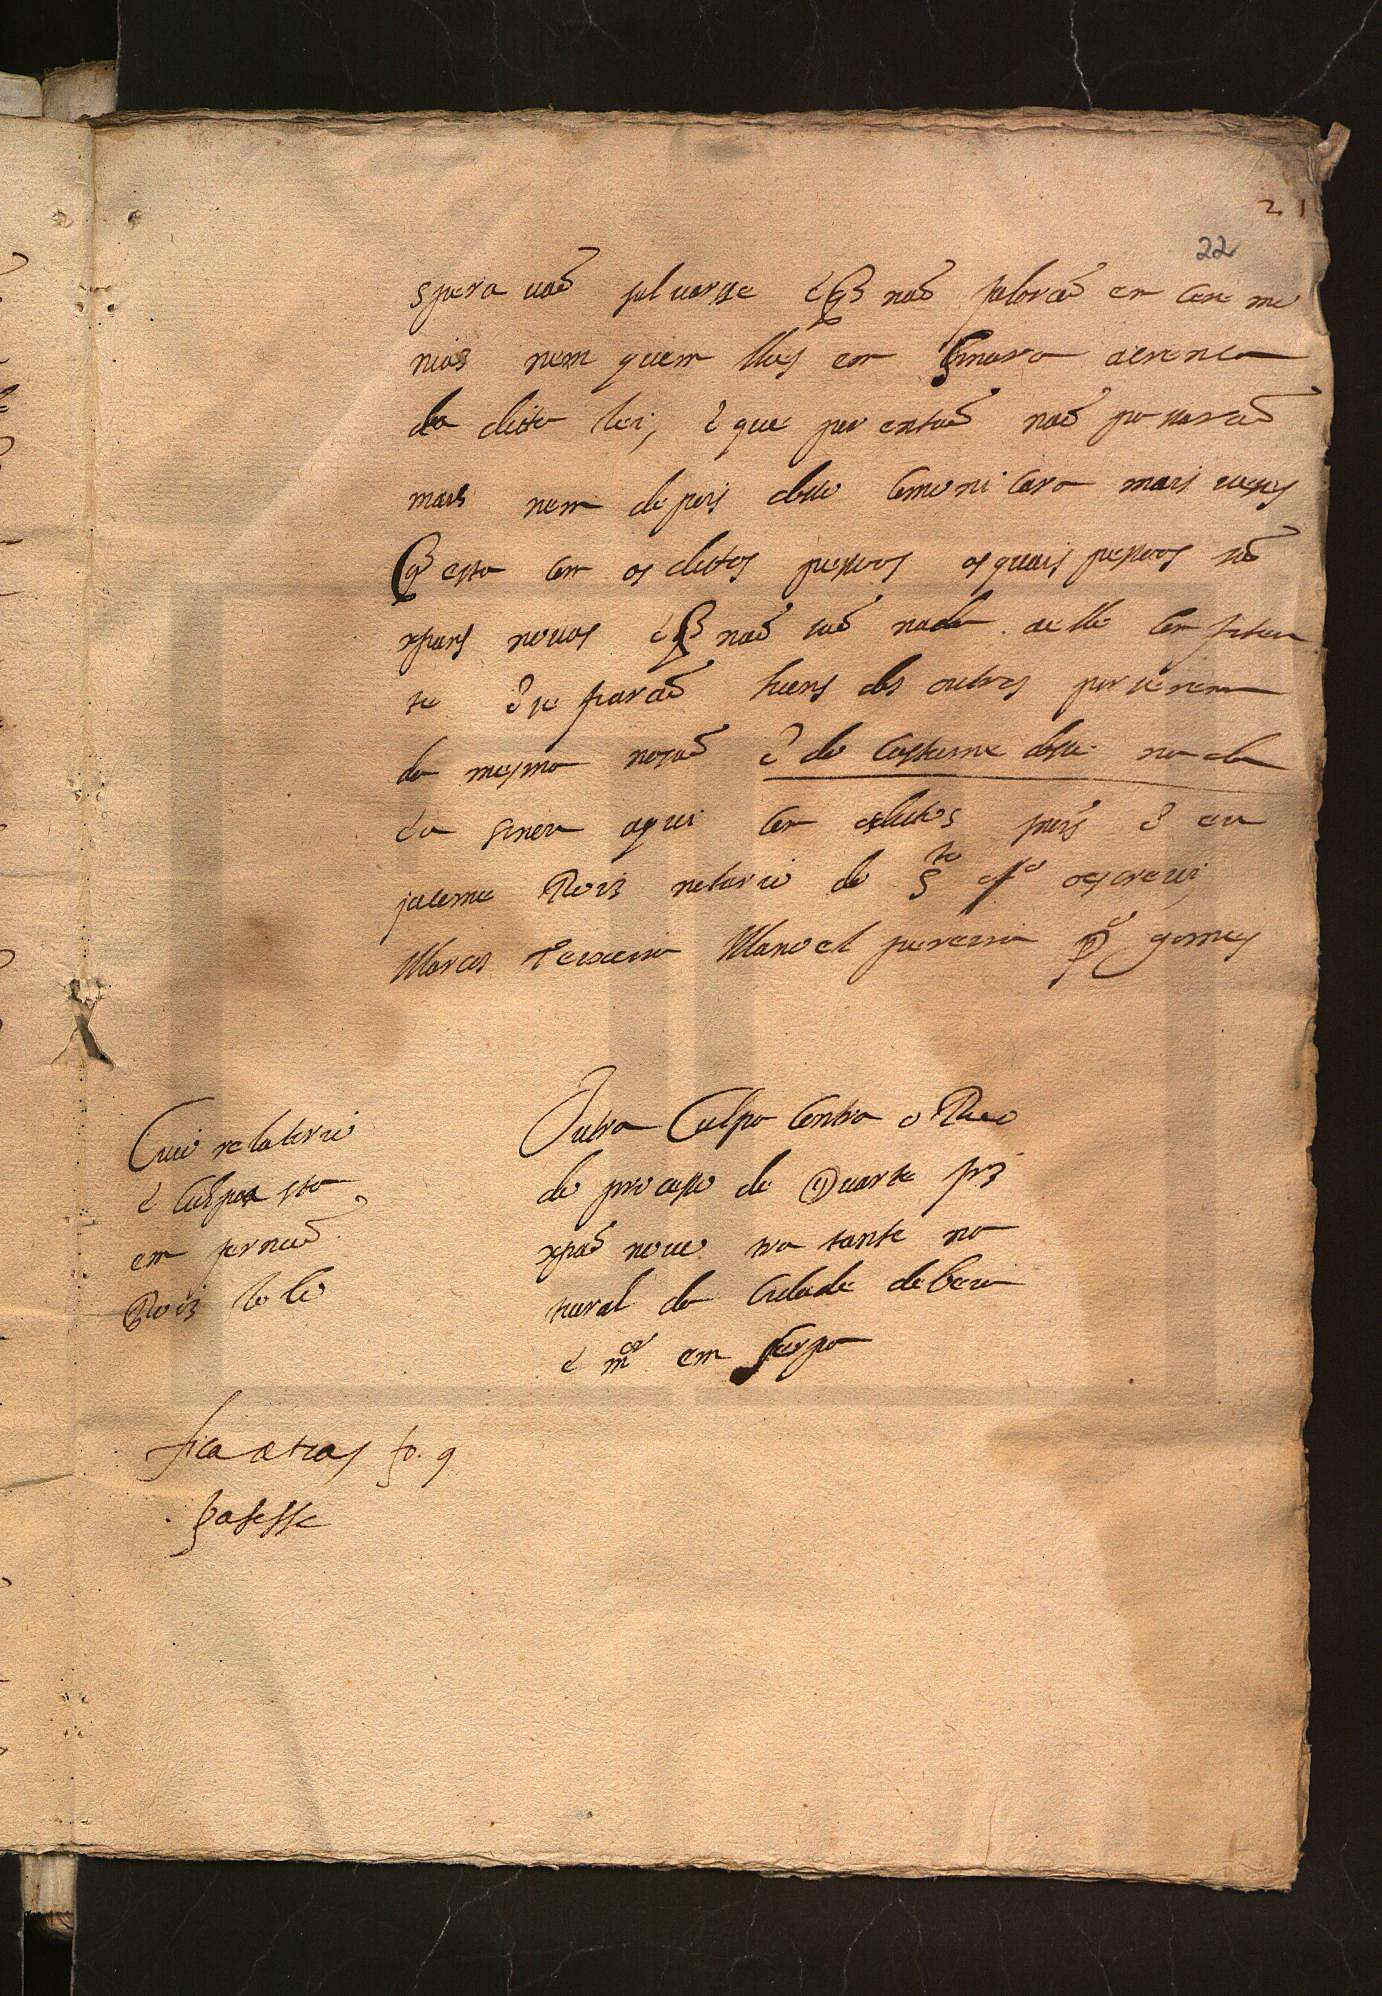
Cuio relatorio
e Culpaa sta
em fernaõ
Roiz lobo
fica atras fo. 9
pasesse
sperauão saluarsse e q̄ não falarão em ceremo
nias nem quem lhes emsinara a crença
da ditta lei, e que per então não passaraõ
mais nem depois disso comonicara mais ueses
q̄ esta com as dittas pessoas as quais pessoas são
xpans nouas e q̄ naõ saõ nada a elle comfiten
te e se fiaraõ huns dos outros por serem
da mesma nasão e do custume disse nada
e asinou aqui com os dittos snors̄ e eu
jacome Roiz notario do Sto offo o escreui
Marcos Teixeira Manoel pereira Po gomes
Outra Culpa contra o Reo
do processo de Duarte frz
xpaõ nouo tratante na
tural da Cidade de beia
e mor em Serpa
